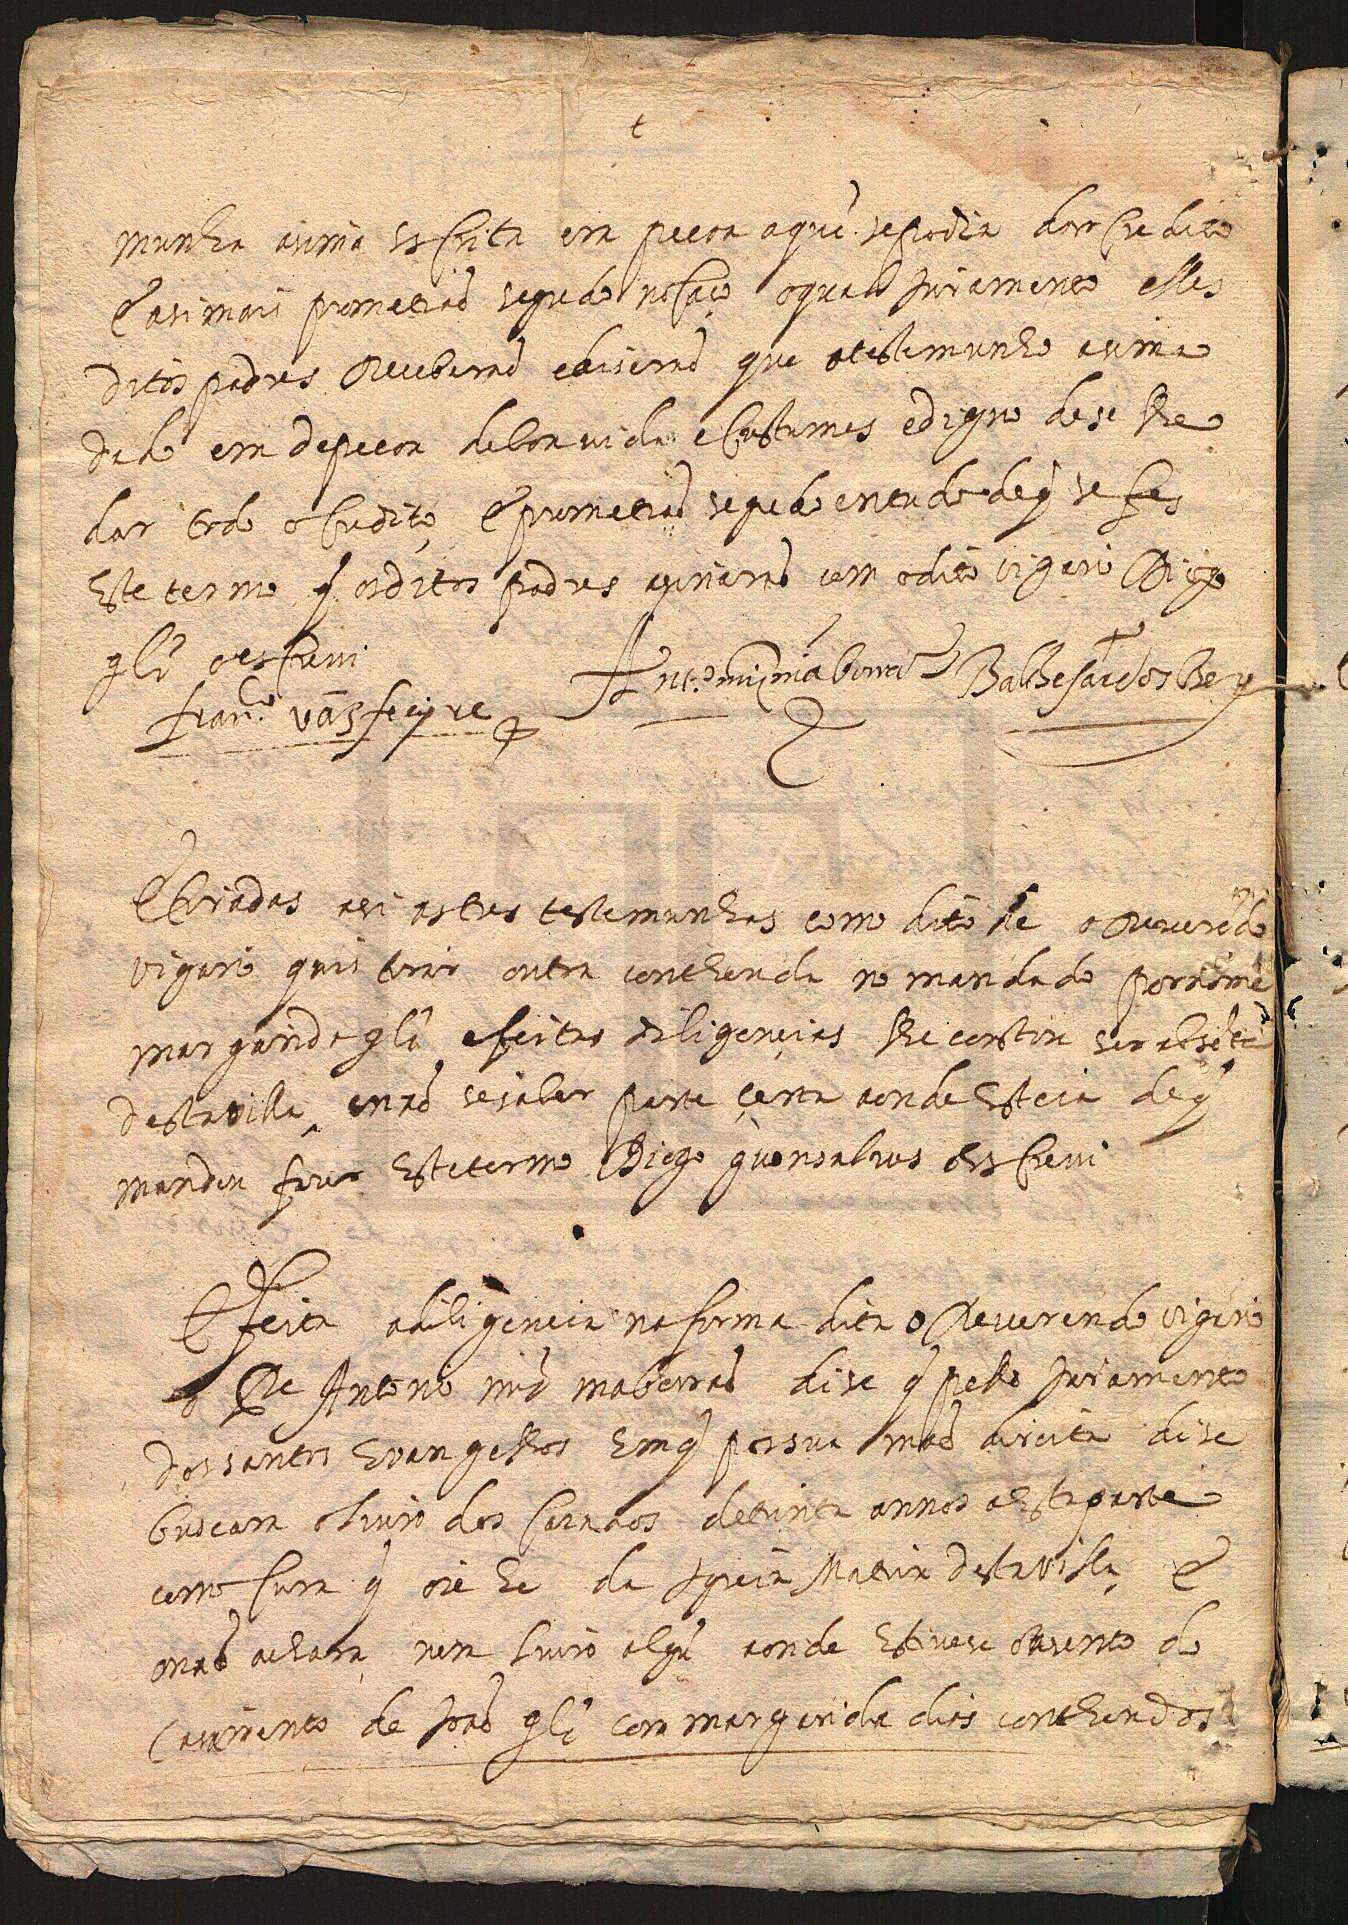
munha asima EsCrita era pecoa a quē se podia dar Credito
E asi mais prometiaõ segredo no Caço o qual Juramento elles
ditos padres Receberaõ e diseraõ que o testemunho asima
dado era de pecoa de boa uida e Custumes e digno de se lhe
dar todo o Credito, & prometiaõ segredo en tudo de q̄ se fes
Este termo q̄ os ditos padres asinaraõ com o dito vigario Diogo
glz̄ o esCreui
& tiradas asi as tres testemunhas como dito he o Reuerēdo
vigario quis tirar outra contheuda no mandado por nome
margarida glz̄ e feitas diligençias lhe constou ser absēte
desta villa, e naõ se saber parte çerta aonde Esteia de q̄
mandou fazer Este termo Diogo guonsalues o EsCreui
& Feita a diligencia na forma dita o Reuerendo vigario
o Pe Antonio miz̄ maborraõ dise q̄ pello Juramento
dos santos Evangelhos Em q̄ pos sua maõ direita dise
buscara o liuro dos Cazados de trinta annos a Esta parte
como Cura q̄ oie he da Jgreia Matrix desta villa, &
o naõ achara, nem liuro algū aonde Estiuesse o asento do
Casamento de Joaõ glz̄ con margarida dias contheudos
